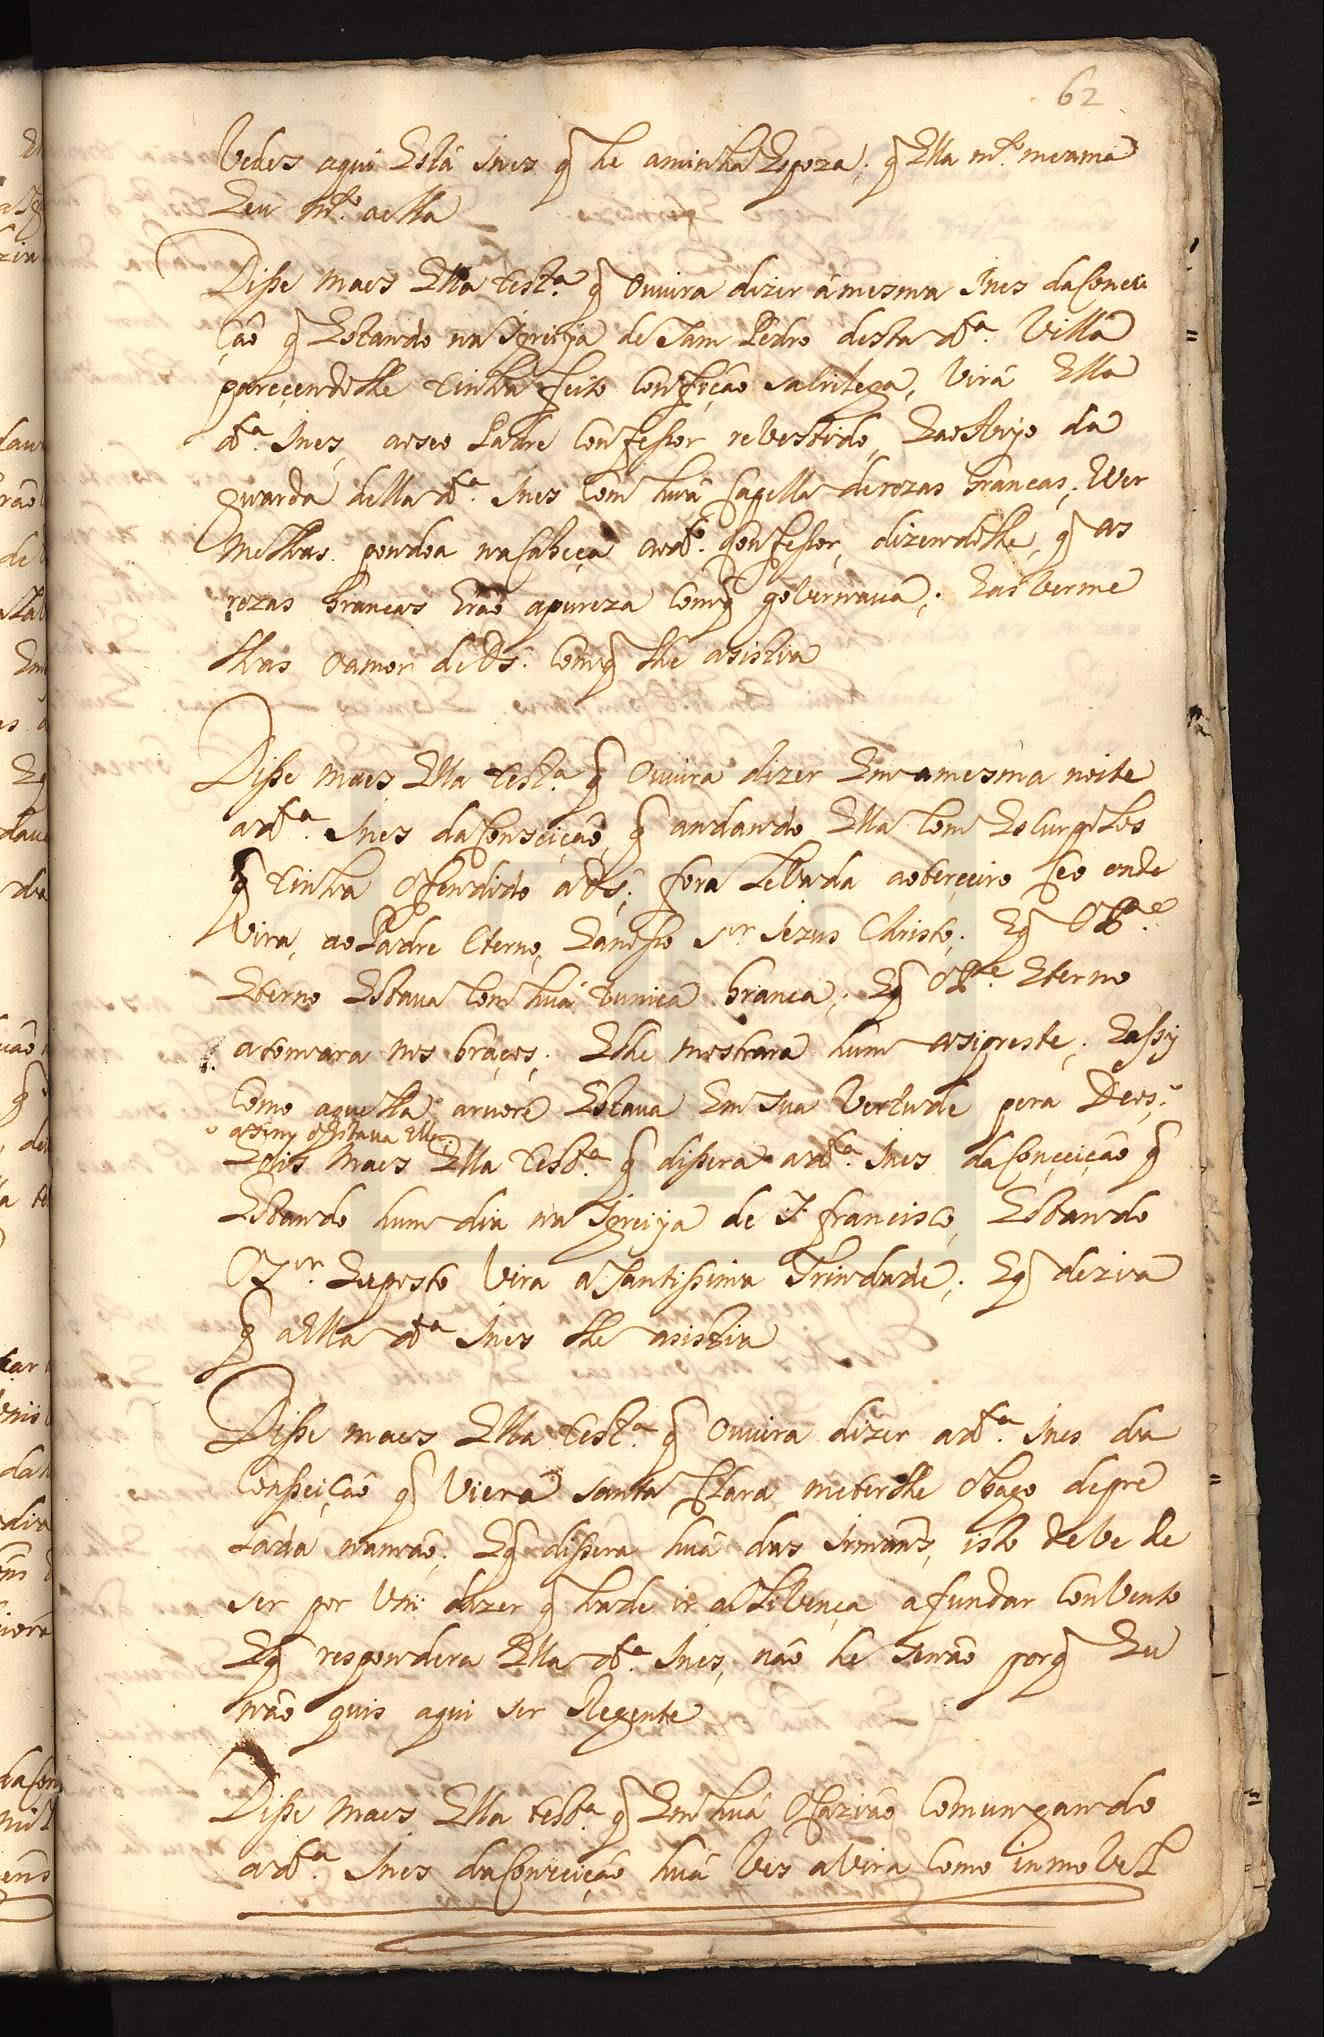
62
Vedes aqui Está Ines q̄ he a minha Espoza, q̄ Ella m.to me ama
E eu m.to a ella
Disse maes Ella test.a q̄ ouuira dizer á mesma Ines da Concei
çaõ q̄ Estando na Igreiya de Sam Pedro desta d.a Villa
parecendolhe tinha feito confiçaõ sacrilega, vira Ella
d̄.a Ines, ao seo Padre Confessor revestido, E ao Anyo da
Guarda della d.a Ines com huā Capella de rozas brancas, E ver
melhas, pondoa na Cabeça ao d.o Confessor, dizendolhe, q̄ as
rozas brancas Erão a pureza Com q̄ governaua, E as verme
lhas o amor de Ds̄ Com q̄ lhe asistia
Disse maes Ella test.a q̄ ouuira dizer Em a mesma noite
a d.a Ines da Conseiçaõ, q̄ andando Ella com ho Escurpolos
q̄ tinha ofendido a ds̄ fora Levada ao terceiro Ceo onde
vira, ao Padre Eterno, E a nosso s.or Iezus Christo; E q̄ O P.e
Eterno Estaua com huā tunica branca, E q̄ o P.e Eterno
a tomara nos braços, E lhe mostrara hum asipreste, E assy
Como aquella aruore Estaua Em sua Vertude pera Deos;
asim o Estaua Ella
E dis maes Ella test.a q̄ dissera a d.a Ines da Conceiçaõ q̄
Estando hum dia na Igreiya de S. Francisco, Estando
O S.or Exposto Vira a Santissima Trindade, E q̄ dezia
q̄ a Ella d.a Ines lhe asistia
Disse maes Ella test.a q̄ ouuira dizer a d.a Ines da
Consseiçaõ q̄ Viera santa Clara meter lhe o bago de pre
Lada na maõ, E q̄ dissera huā das Irmans, isto deve de
ser por Vm. dizer q̄ ha de ir a OLivença a fundar Convento
E q̄ respondera Ella d̄.a Ines naõ he senão porq̄ Eu
naõ quis aqui ser Regente
Disse maes Ella test.a q̄ Em huā OCazião Comungando
a d.a Ines da Conceiçaõ huā Ves a vira Como inmoVel
